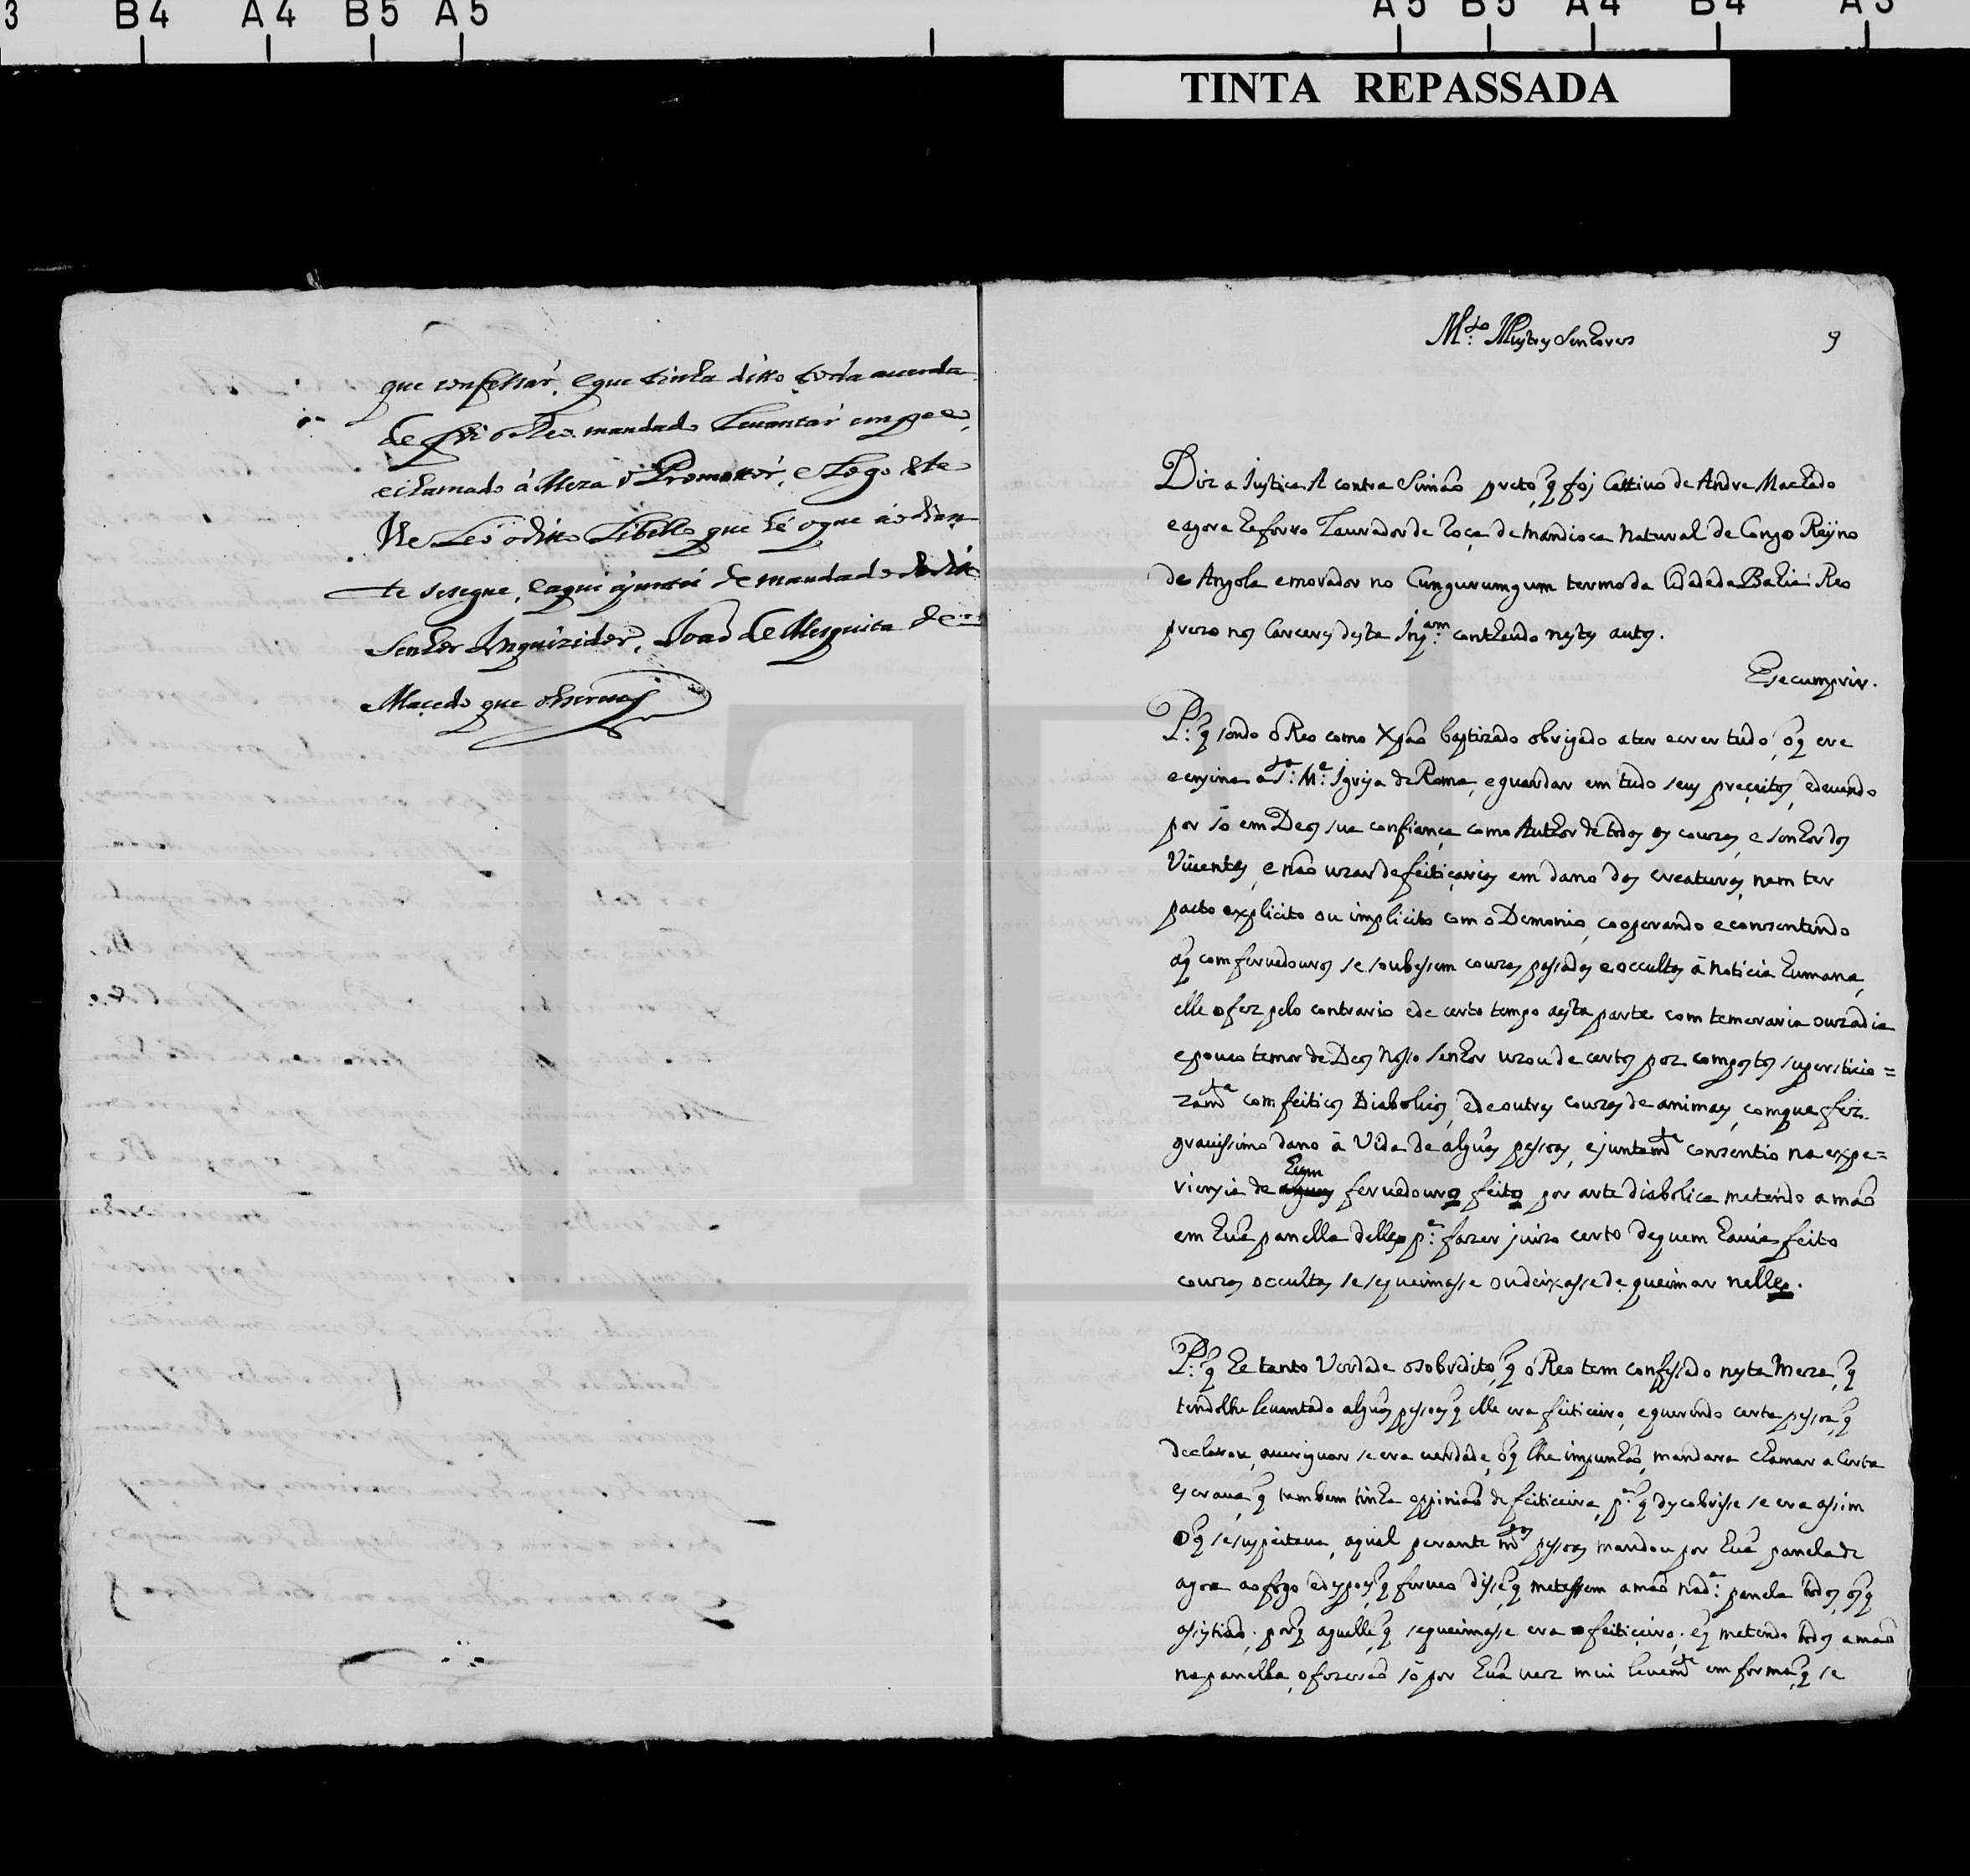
que confessar, e que tinha ditto toda a uerda
de foi o Reo mandado Leuantar em pee,
e chamado à Meza o Promottor, e Logo este
lhe Leo o ditto Libello que hé o que ao dian
te se segue, e aqui ajuntei de mandado do dito
Senhor Inquizidor, Ioaõ de Mesquita de
Macedo que o Escreuj
M:to Illustres Senhores
9
Diz a Iustica A contra Simaõ preto, q̄ foj Cattiuo de Andre Machado
e agora he forro Laurador de Roça de mandioca natural de Congo Reyno
de Angola e morador no Cungurumgum termo da Cidade da Bahia Reo
prezo nos Carceres desta Inq:am contheudo nestes autos.
E se cumprir.
P: q̄ sendo o Reo como xpaõ baptizado obrigado a ter e crer tudo, o q̄ cre
e ensina a sta: M:e Igreja de Roma, e guardar em tudo seus preceitos, e deuendo
por só em Deos sua confiança como Author de todas as couzas, e senhor dos
Viuentes, e naõ uzar de feitiçarias em dano dos creaturas, nem ter
pacto explicito ou implicito com o Demonio, cooperando e consentindo
a q̄ com feruedouros se soubessem couzas passadas e occultas à noticia humana,
elle o fez pelo contrario e de certo tempo a esta parte com temeraria ouzadia
e pouco temor de Deos nosso Senhor uzou de certos poz compostos supersticio
zam.te com feitiços Diabolicos, e de outras couzas de animaes, com que fez
grauissimo dano à Vida de alguās pessoas, e juntamte consentio na expe
hum
riensia de aguas feruedouro feito por arte diabolica metendo a maõ
em huā panella delles p:a fazer juizo certo de quem hauia feito
couzas occultas se se queimasse ou deixasse de queimar nelles.
P: q̄ he tanto verdade o sobredito, q̄ o Reo tem confessado nesta meza, q̄
tendolhe leuantado alguās pessoas q̄ elle era feiticeiro, e querendo certa pessoa, q̄
declarou, aueriguar se era uerdade, o q̄ lhe impunhaõ, mandara chamar a certa
escraua, q̄ tambem tinha oppiniaõ de feiticeira, p.a q̄ descobrisse se era assim
o q̄ se suspeitaua, a qual perante mtas pessoas mandou por huā panela de
agoa ao fogo e despoes, q̄ ferueo disse, q̄ metessem a mão na d:a panela todos, os q̄
assistiaõ; porq̄ aquelle q̄ se queimasse era o feiticeiro; e q̄ metendo todos a maõ
na panella, o fezessaõ só por huā uez mui leuemte em forma, q̄ se
